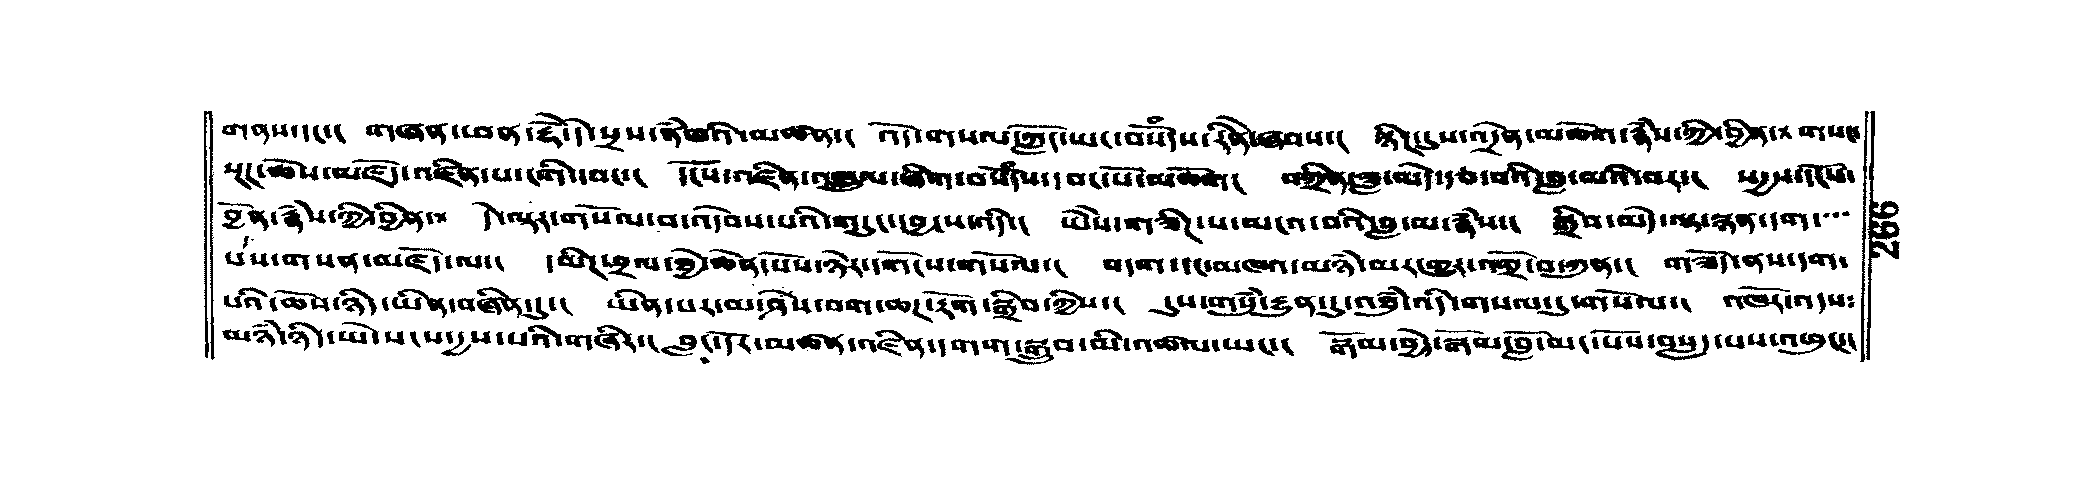གནས་དང་། །གཞན་ཕན་རྡོ་རྗེ་དེ་སྲས་ནམ་མཁའི་མཚན། །འོད་གསལ་ཀློང་ཡངས་བསོད་ནམས་རིན་ཆེན་ཞབས། །སྙིགས་དུས་འདྲེན་མཆོག་རྣམས་ཀྱི་བྱིན༴ །གསང་
སྔགས་ཆོས་མཛོད་འཛིན་པ་ངག་གི་དབང་། །དངོས་འཛིན་འཁྲུལ་ཞིག་བསོད་ནམས་དབང་པོ་མཆོག །བཀའ་དྲིན་ཟླ་མེད་རྩ་བའི་བླ་མའི་བར། །སངས་རྒྱས་དངོས་
བྱོན་རྣམས་ཀྱི་བྱིན༴ །དེ་ལྟར་གསོལ་བ་འདེབས་པའི་གདུང་དབྱངས་འདི། །ཡེ་ཤེས་གཟིགས་པ་མངའ་བའི་བླ་མ་རྣམས། །སྒྲིབ་མེད་ལྷ་སྙན་དག་
པས་གསན་མཛོད་ལ། །དམིགས་བྲལ་ཐུགས་རྗེ་ཆེན་པོས་ཉེར་དགོངས་གསོལ། །བདག་དང་མཁའ་མཉམ་མར་གྱུར་འགྲོ་བ་ཀུན། །གཟོད་ནས་དག་
པའི་ཆོས་ཉིད་ཡིད་བཞིན་དུ། །ཡིན་པར་མ་ཤེས་བག་ཆགས་རྟོག་སྒྲིབ་ཀྱིས། །དུས་གསུམ་རྒྱུན་དུ་འཐུམ་འདི་བསལ་དུ་གསོལ། །འཁོར་འདས་
མཉམ་ཉིད་ཡེ་སངས་རྒྱས་པའི་གཞིར། །བླང་དོར་མཚན་འཛིན་དགག་སྒྲུབ་མི་འཚལ་ཡང་། །སྒོམ་བྱེད་སྒོམ་བློ་མང་པོས་བསླད་པས་ཕུང་།